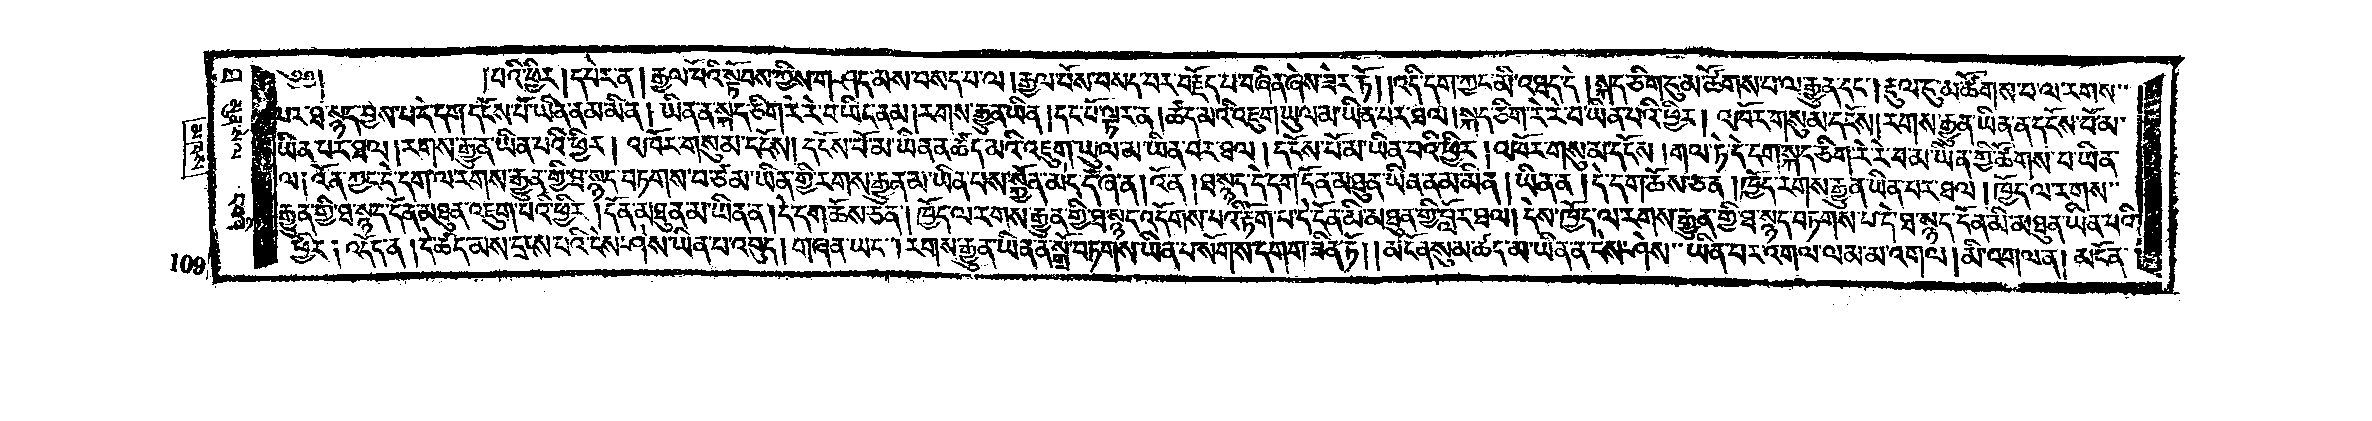༄༅། །པའི་ཕྱིར། དཔེར་ན། རྒྱལ་པོའི་སྟོབས་ཀྱིས་གཤེད་?་མས་བསད་པ་ལ། རྒྱལ་པོས་བསད་པར་བརྗོད་པ་བཞིན་ཞེས་ཟེར་ཏོ། །འདི་དག་ཀྱང་མི་འཐད་དེ། སྐད་ཅིག་དུ་མ་ཚོགས་པ་ལ་རྒྱུན་དང་། རྡུལ་དུ་མ་ཚོགས་པ་ལ་རགས་
པར་ཐ་སྙད་བྱས་པ་དེ་དག་དངོས་པོ་ཡིན་ནམ་མིན། ཡིན་ན་སྐད་ཅིག་རེ་རེ་བ་ཡིན་ནམ། རགས་རྒྱུན་ཡིན། དང་པོ་ལྟར་ན། ཚད་མའི་འཇུག་ཡུལ་མ་ཡིན་པར་ཐལ། སྐད་ཅིག་རེ་རེ་བ་ཡིན་པའི་ཕྱིར། འཁོར་གསུམ་དངོས། རགས་རྒྱུན་ཡིན་ན་དངོས་པོ་མ་
ཡིན་པར་ཐལ། རགས་རྒྱུན་ཡིན་པའི་ཕྱིར། འཁོར་གསུམ་དངོས། དངོས་པོ་མ་ཡིན་ན་ཚད་མའི་འཇུག་ཡུལ་མ་ཡིན་པར་ཐལ། དངོས་པོ་མ་ཡིན་པའི་ཕྱིར། འཁོར་གསུམ་དངོས། གལ་ཏེ་དེ་དག་སྐད་ཅིག་རེ་རེ་བ་མ་ཡིན་གྱི་ཚོགས་པ་ཡིན་
ལ། འོན་ཀྱང་དེ་དག་ལ་རགས་རྒྱུན་གྱི་ཐ་སྙད་བཏགས་པ་ཙམ་ཡིན་གྱི་རགས་རྒྱུན་མ་ཡིན་པས་སྐྱོན་མེད་དོ་ཞེ་ན། འོ་ན། ཐ་སྙད་དེ་དག་དོན་མཐུན་ཡིན་ནམ་མིན། ཡིན་ན། དེ་དག་ཆོས་ཅན། ཁྱོད་རགས་རྒྱུན་ཡིན་པར་ཐལ། ཁྱོད་ལ་རགས་
རྒྱུན་གྱི་ཐ་སྙད་དོན་མཐུན་འཇུག་པའི་ཕྱིར། དོན་མཐུན་མ་ཡིན་ན། དེ་དག་ཆོས་ཅན། ཁྱོད་ལ་རགས་རྒྱུན་གྱི་ཐ་སྙད་འདོགས་པའི་རྟོག་པ་དེ་དོན་མི་མཐུན་གྱི་བློར་ཐལ། དེས་ཁྱོད་ལ་རགས་རྒྱུན་གྱི་ཐ་སྙད་བཏགས་པ་དེ་ཐ་སྙད་དོན་མི་མཐུན་ཡིན་པའི་
ཕྱིར། འདོད་ན། དེ་ཚད་མས་དྲངས་པའི་ངེས་ཤེས་ཡིན་པ་འབུད། གཞན་ཡང་། རགས་རྒྱུན་ཡིན་ན་སྒྲོ་བཏགས་ཡིན་པ་སོགས་དགག་ཟིན་ཏོ། །མངོན་སུམ་ཚད་མ་ཡིན་ན་ངེས་ཤེས་ཡིན་པར་འགལ་ལམ་མི་འགལ། མི་འགལ་ན། མངོན་